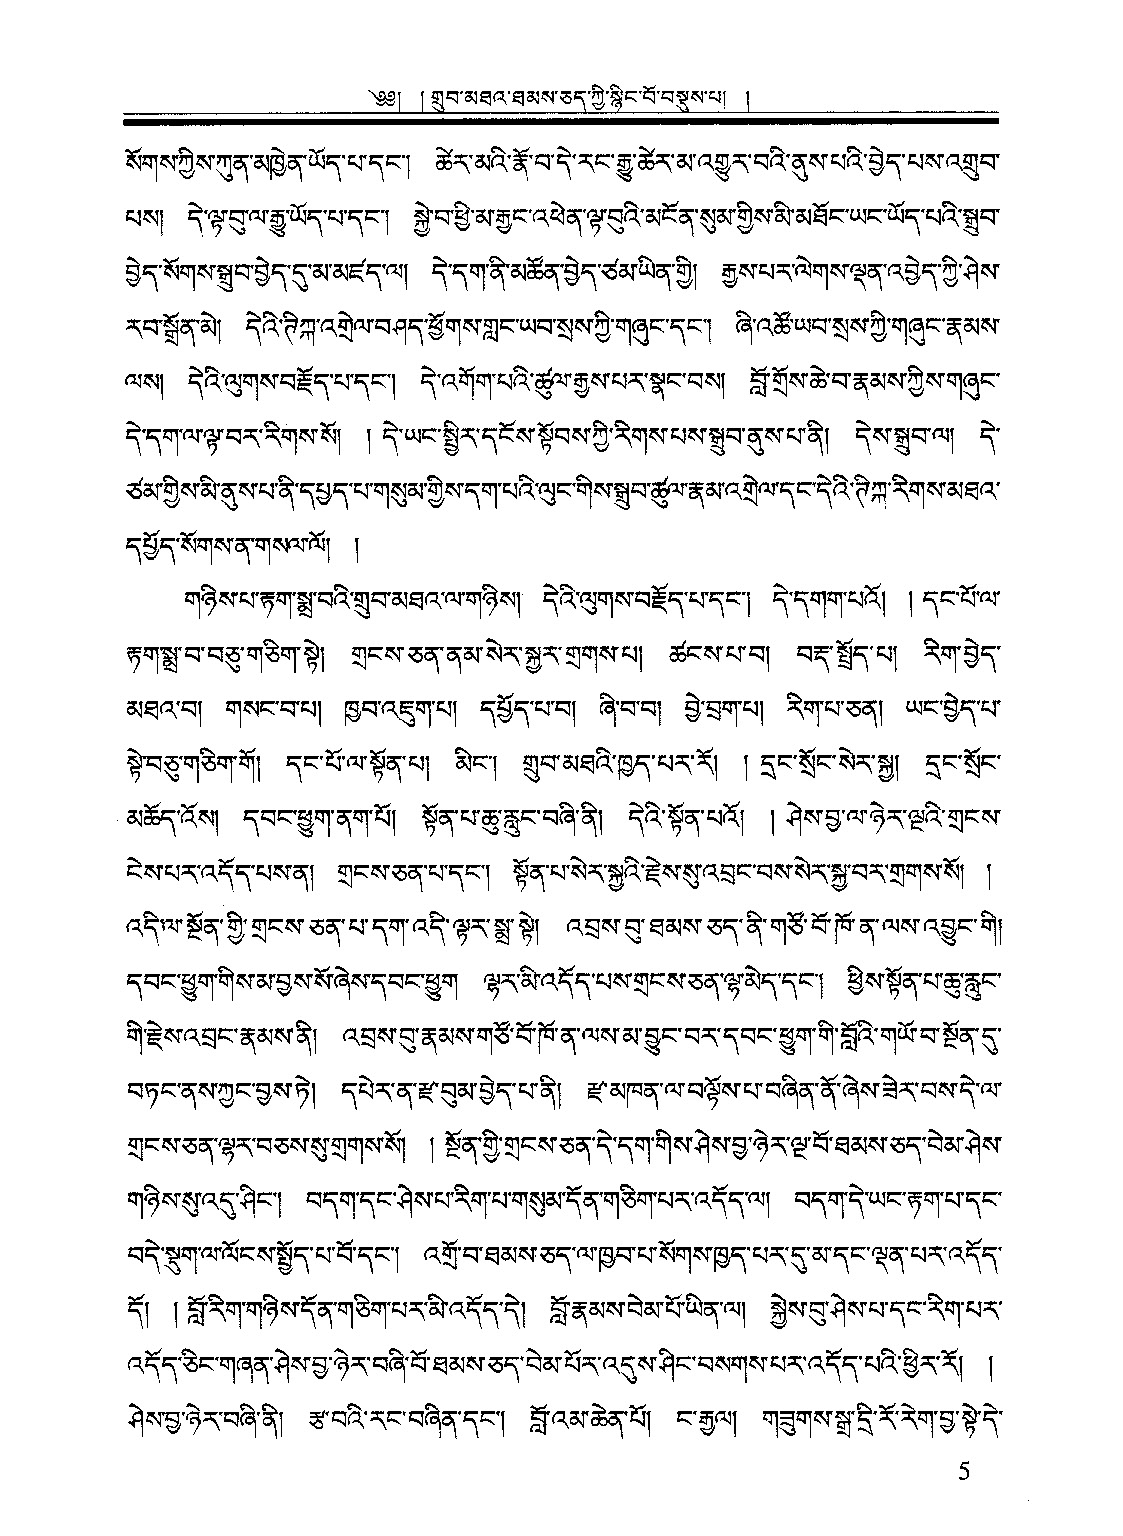སོགས་ཀྱིས་ཀུན་མཁྱེན་ཡོད་པ་དང་། ཚེར་མའི་རྣོ་བ་དེ་རང་རྒྱུ་ཚེར་མ་འགྱུར་བའི་ནུས་པའི་བྱེད་པས་འགྲུབ་
པས། དེ་ལྟ་བུ་ལ་རྒྱུ་ཡོད་པ་དང་། སྐྱེ་བ་ཕྱི་མ་རྒྱང་འཕེན་ལྟ་བུའི་མངོན་སུམ་གྱིས་མི་མཐོང་ཡང་ཡོད་པའི་སྒྲུབ་
བྱེད་སོགས་སྒྲུབ་བྱེད་དུ་མ་མཛད་ལ། དེ་དག་ནི་མཚོན་བྱེད་ཙམ་ཡིན་གྱི། རྒྱས་པར་ལེགས་ལྡན་འབྱེད་ཀྱི་ཤེས་
རབ་སྒྲོན་མེ། དེའི་ཊིཀྐ་འགྲེལ་བཤད་ཕྱོགས་གླང་ཡབ་སྲས་ཀྱི་གཞུང་དང་། ཞི་འཚོ་ཡབ་སྲས་ཀྱི་གཞུང་རྣམས་
ལས། དེའི་ལུགས་བརྗོད་པ་དང་། དེ་འགོག་པའི་ཚུལ་རྒྱས་པར་སྣང་བས། བློ་གྲོས་ཆེ་བ་རྣམས་ཀྱིས་གཞུང་
དེ་དག་ལ་ལྟ་བར་རིགས་སོ། །དེ་ཡང་སྤྱིར་དངོས་སྟོབས་ཀྱིས་རིགས་པས་སྒྲུབ་ནུས་པ་ནི། དེས་སྒྲུབ་ལ། དེ་
ཙམ་གྱིས་མི་ནུས་པ་ནི་དཔྱད་པ་གསུམ་གྱིས་དག་པའི་ལུང་གིས་སྒྲུབ་ཚུལ་རྣམ་འགྲེལ་དང་དེའི་ཊིཀྐ་རིགས་མཐའ་
དཔྱོད་སོགས་ན་གསལ་ལོ། །
གཉིས་པ་རྟག་སྨྲ་བའི་གྲུབ་མཐའ་ལ་གཉིས། དེའི་ལུགས་བརྗོད་པ་དང་། དེ་དགག་པའོ། །དང་པོ་ལ་
རྟག་སྨྲ་བ་བཅུ་གཅིག་སྟེ། གྲངས་ཅན་ནམ་སེར་སྐྱར་གྲགས་པ། ཚངས་པ་བ། བརྡ་སྤྲོད་པ། རིག་བྱེད་
མཐའ་བ། གསང་བ་པ། ཁྱབ་འཇུག་པ། དཔྱོད་པ་བ། ཞི་བ་བ། བྱེ་བྲག་པ། རིག་པ་ཅན། ཡང་བྱེད་པ་
སྟེ་བཅུ་གཅིག་གོ། དང་པོ་ལ་སྟོན་པ། མིང་། གྲུབ་མཐའི་ཁྱད་པར་རོ། །དྲང་སྲོང་སེར་སྐྱ། དྲང་སྲོང་
མཆོད་འོས། དབང་ཕྱུག་ནག་པོ། སྟོན་པ་ཆུ་རླུང་བཞི་ནི། དེའི་སྟོན་པའོ། །ཤེས་བྱ་ལ་ཉེར་ལྔའི་གྲངས་
ངེས་པར་འདོད་པས་ན། གྲངས་ཅན་པ་དང་། སྟོན་པ་སེར་སྐྱའི་རྗེས་སུ་འབྲང་བས་སེར་སྐྱ་བར་གྲགས་སོ། །
འདི་ལ་སྔོན་གྱི་གྲངས་ཅན་པ་དག་འདི་ལྟར་སྨྲ་སྟེ། འབྲས་བུ་ཐམས་ཅད་ནི་གཙོ་བོ་ཁོ་ན་ལས་འབྱུང་གི།
དབང་ཕྱུག་གིས་མ་བྱས་སོ་ཞེས་དབང་ཕྱུག་ལྷར་མི་འདོད་པས་གྲངས་ཅན་ལྷ་མེད་དང་། ཕྱིས་སྟོན་པ་ཆུ་རླུང་
གི་རྗེས་འབྲང་རྣམས་ནི། འབྲས་བུ་རྣམས་གཙོ་བོ་ཁོ་ན་ལས་མ་བྱུང་བར་དབང་ཕྱུག་གི་བློའི་གཡོ་བ་སྔོན་དུ་
བཏང་ནས་ཀྱང་བྱས་ཏེ། དཔེར་ན་རྫ་བུམ་བྱེད་པ་ནི། རྫ་མཁན་ལ་བལྟོས་པ་བཞིན་ནོ་ཞེས་ཟེར་བས་དེ་ལ་
གྲངས་ཅན་ལྷར་བཅས་སུ་གྲགས་སོ། །སྔོན་གྱི་གྲངས་ཅན་དེ་དག་གིས་ཤེས་བྱ་ཉེར་ལྔ་བོ་ཐམས་ཅད་བེམ་ཤེས་
གཉིས་སུ་འདུ་ཤིང་། བདག་དང་ཤེས་པ་རིག་པ་གསུམ་དོན་གཅིག་པར་འདོད་ལ། བདག་དེ་ཡང་རྟག་པ་དང་
བདེ་སྡུག་ལ་ལོངས་སྤྱོད་པ་བོ་དང་། འགྲོ་བ་ཐམས་ཅད་ལ་ཁྱབ་པ་སོགས་ཁྱད་པར་དུ་མ་དང་ལྡན་པར་འདོད་
དོ། །བློ་རིག་གཉིས་དོན་གཅིག་པར་མི་འདོད་དེ། བློ་རྣམས་བེམ་པོ་ཡིན་ལ། སྐྱེས་བུ་ཤེས་པ་དང་རིག་པར་
འདོད་ཅིང་གཞན་ཤེས་བྱ་ཉེར་བཞི་བོ་ཐམས་ཅད་བེམ་པོར་འདུས་ཤིང་བསགས་པར་འདོད་པའི་ཕྱིར་རོ། །
ཤེས་བྱ་ཉེར་བཞི་ནི། རྩ་བའི་རང་བཞིན་དང་། བློ་འམ་ཆེན་པོ། ང་རྒྱལ། གཟུགས་སྒྲ་དྲི་རོ་རེག་བྱ་སྟེ་དེ་